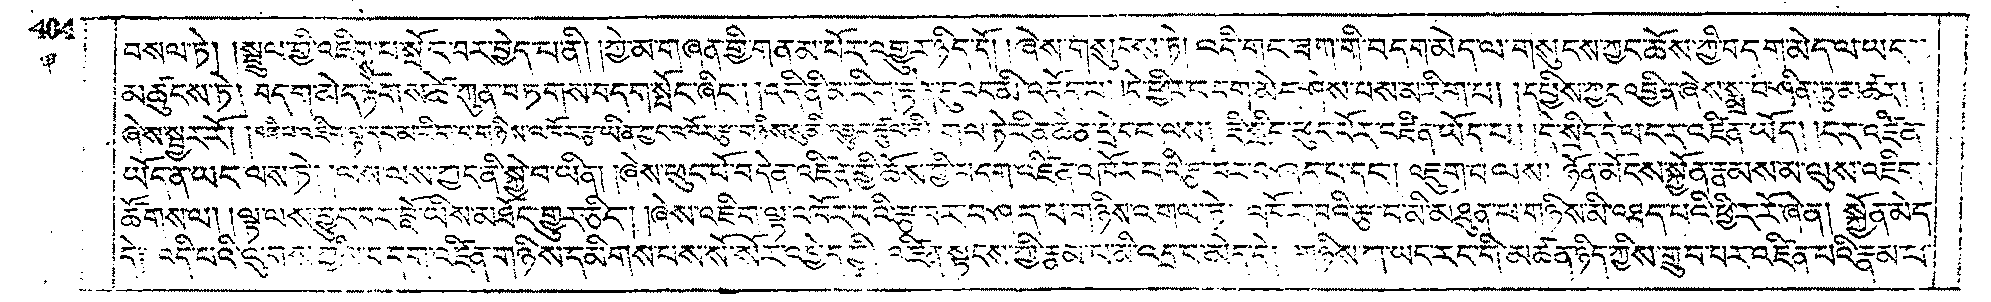བསལ་ཏེ། །སྦྲུལ་གྱི་འཇིགས་པ་སྤོང་བར་བྱེད་པ་ནི། །ཀྱེ་མ་གཞན་གྱི་གནམ་པོར་འགྱུར་ཉིད་དོ། །ཞེས་གསུངས་ཏེ། འདི་གང་ཟག་གི་བདག་མེད་ལ་གསུངས་ཀྱང་ཆོས་ཀྱི་བདག་མེད་ལ་ཡང་
མཚུངས་ཏེ། བདག་མེད་རྟོགས་ཚེ་ཀུན་བཏགས་བདག་སྤོང་ཞིང་། །འདི་ནི་མ་རིག་རྟེན་དུའང་མི་འདོད་པ། །དེ་ཕྱིར་བདག་མེད་ཤེས་པས་མ་རིག་པ། །དཔྱིས་ཀྱང་འབྱིན་ཞེས་སྨྲ་བ་ཤིན་ཏུ་མཚར། །
ཞེས་སྦྱར་རོ། །བཞི་པ་འཇིག་ལྟ་དང་མ་རིག་པ་གཉིས་འཁོར་རྩ་ཡིན་ཀྱང་འཁོར་རྩ་གཉིས་སུ་མི་འགྱུར་ཚུལ་ནི།  གལ་ཏེ་རིན་ཆེན་ཕྲེང་བ་ལས། ཇི་སྲིད་ཕུང་པོར་འཛིན་ཡོད་པ། །དེ་སྲིད་དེ་ལ་ངར་འཛིན་ཡོད། །ངར་འཛིན་
ཡོད་ན་ཡང་ལས་ཏེ། །ལས་ལས་ཀྱང་ནི་སྐྱེ་བ་ཡིན། །ཞེས་ཕུང་པོ་བདེན་འཛིན་གྱི་ཆོས་ཀྱི་བདག་འཛིན་འཁོར་བའི་རྩ་བར་བཤད་པ་དང་། འཇུག་པ་ལས། ཉོན་མོངས་སྐྱོན་རྣམས་མ་ལུས་འཇིག་
ཚོགས་ལ། །ལྟ་ལས་བྱུང་བར་བློ་ཡིས་མཐོང་གྱུར་ཅིང་། །ཞེས་འཇིག་ལྟ་འཁོར་བའི་རྩ་བར་བཤད་པ་གཉིས་འགལ་ཏེ། འཁོར་བའི་རྩ་བ་མི་མཐུན་པ་གཉིས་མི་འཐད་པའི་ཕྱིར་རོ་ཞེ་ན། སྐྱོན་མེད་
དེ༑ འདི་པའི་ལུགས་ཀྱིས་བདག་འཛིན་གཉིས་དམིགས་པས་སོ་སོར་འབྱེད་ཀྱི། འཛིན་སྟངས་ཀྱི་རྣམ་པ་མི་འདྲ་བ་མེད་དེ། གཉིས་ཀ་ཡང་རང་གི་མཚན་ཉིད་ཀྱིས་གྲུབ་པར་འཛིན་པའི་རྣམ་པ་